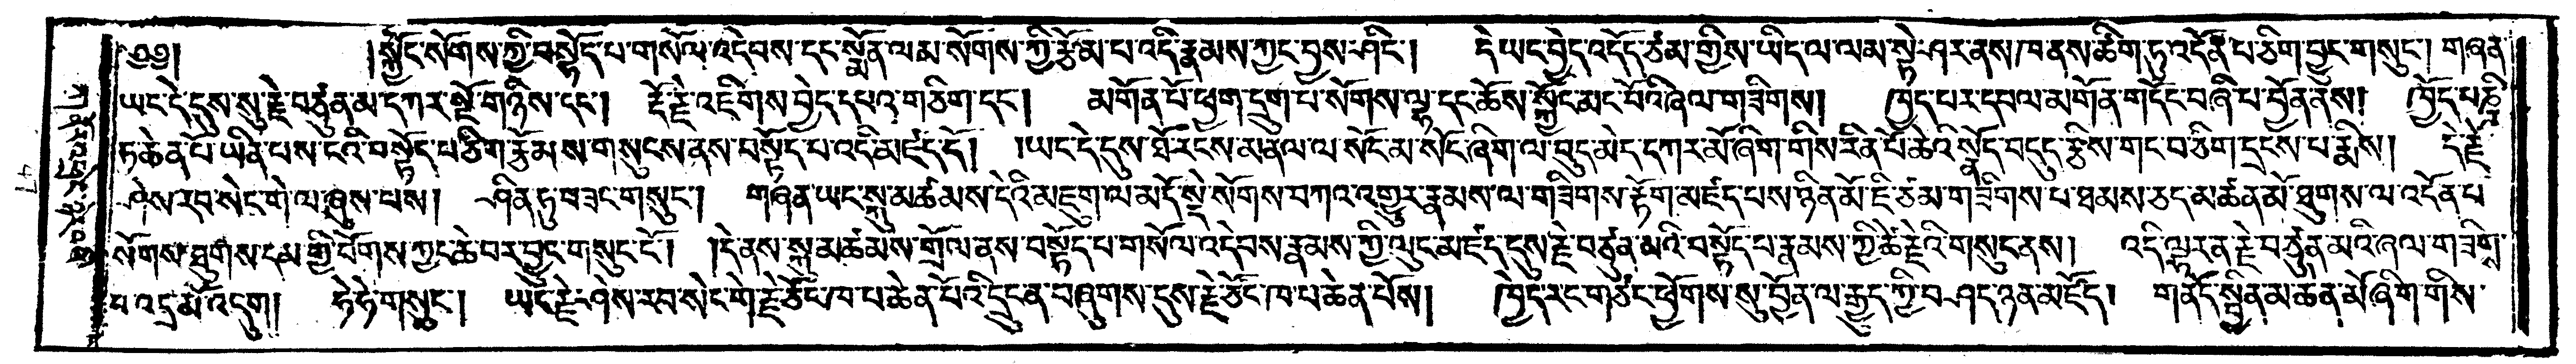༄༅། །སྐྱོང་སོགས་ཀྱི་བསྟོད་པ་གསོལ་འདེབས་དང་སྨོན་ལམ་སོགས་ཀྱི་རྩོམ་པ་འདི་རྣམས་ཀྱང་བྱས་ཤིང་། དེ་ཡང་བྱེད་འདོད་ཙམ་གྱིས་ཡིད་ལ་ལམ་སྟེ་ཤར་ནས་ཁ་ནས་ཚིག་ཏུ་འདོན་པ་ཅིག་བྱུང་གསུང་། གཞན་
ཡང་དེ་དུས་སུ་རྗེ་བཙུན་མ་དཀར་སྔོ་གཉིས་དང་། རྡོ་རྗེ་འཇིགས་བྱེད་དཔའ་གཅིག་དང་། མགོན་པོ་ཕྱག་དྲུག་པ་སོགས་ལྷ་དང་ཆོས་སྐྱོང་མང་པོའི་ཞལ་གཟིགས། ཁྱད་པར་དཔལ་མགོན་གདོང་བཞི་པ་བྱོན་ནས། ཁྱོད་པཎྜི་
ཏ་ཆེན་པོ་ཡིན་པས་ངའི་བསྟོད་པ་ཅིག་རྩོམས་གསུངས་ནས་བསྟོད་པ་འདི་མཛད་དོ། །ཡང་དེ་དུས་ཐོ་རངས་མནལ་ལ་སོང་མ་སོང་ཞིག་ལ་བུད་མེད་དཀར་མོ་ཞིག་གིས་རིན་པོ་ཆེའི་སྣོད་བདུད་རྩིས་གང་བ་ཅིག་དྲངས་པ་རྨིས། དེ་རྗེ་
ཤེས་རབ་སེང་གེ་ལ་ཞུས་པས། ཤིན་ཏུ་བཟང་གསུང་། གཞན་ཡང་སྐུ་མཚམས་དེའི་མཇུག་ལ་མདོ་སྡེ་སོགས་བཀའ་འགྱུར་རྣམས་ལ་གཟིགས་རྟོག་མཛད་པས་ཉིན་མོ་ཇི་ཙམ་གཟིགས་པ་ཐམས་ཅད་མཚན་མོ་ཐུགས་ལ་འདོན་པ་
སོགས་ཐུགས་དམ་གྱི་བོགས་ཀྱང་ཆེ་བར་བྱུང་གསུང་ངོ། །དེ་ནས་སྐུ་མཚམས་གྲོལ་ནས་བསྟོད་པ་གསོལ་འདེབས་རྣམས་ཀྱི་ལུང་མཛད་དུས་རྗེ་བཙུན་མའི་བསྟོད་པ་རྣམས་ཀྱི་ཚེ་རྗེའི་གསུང་ནས། འདི་ལྷར་ན་རྗེ་བཙུན་མའི་ཞལ་གཟིགས་
པ་འདྲ་མོ་འདུག། ཧེ་ཧེ་གསུང་། ཡང་རྗེ་ཤེས་རབ་སེང་གེ་རྗེ་ཙོང་ཁ་པ་ཆེན་པོའི་དྲུང་ན་བཞུགས་དུས་རྗེ་ཙོང་ཁ་པ་ཆེན་པོས། ཁྱེད་རང་གཙང་ཕྱོགས་སུ་བྱོན་ལ་རྒྱུད་ཀྱི་བཤད་ཉན་མཛོད། གནོད་སྦྱིན་མ་ཆེན་མོ་ཞིག་གིས་